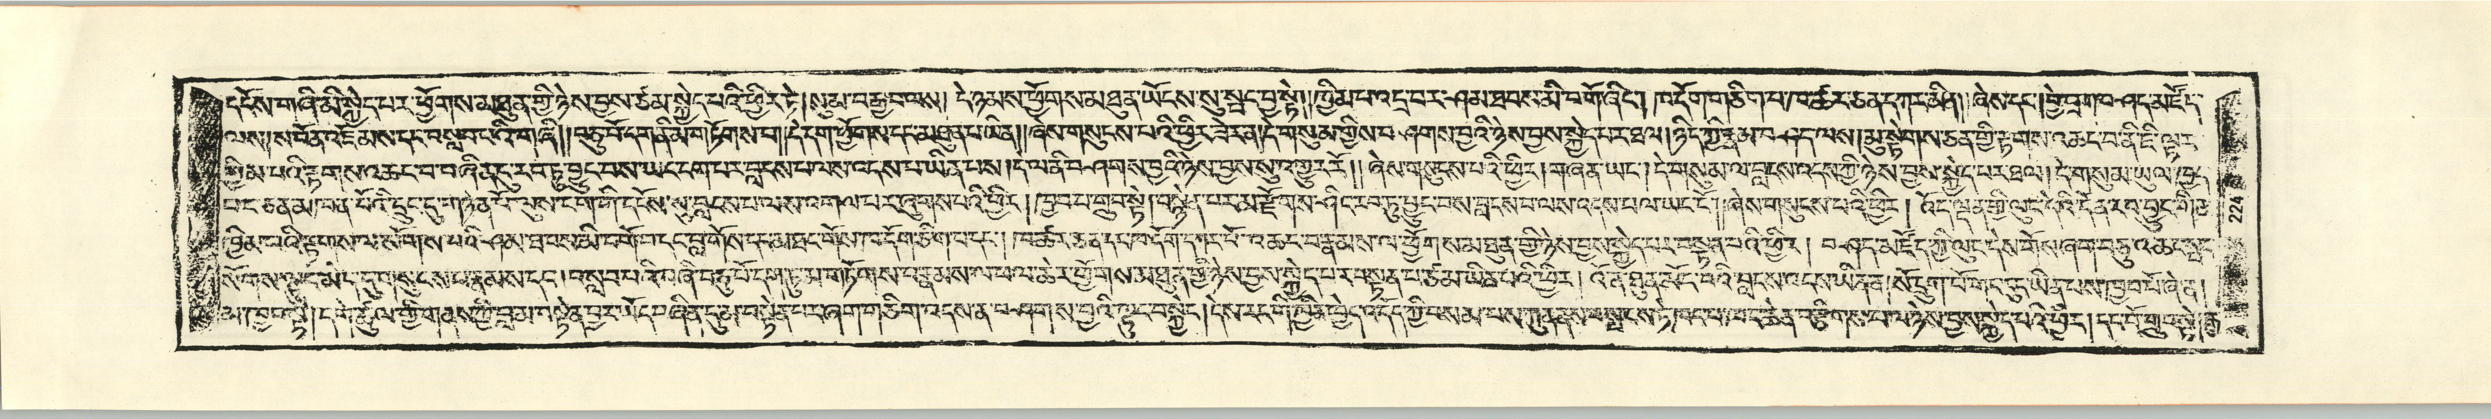དངོས་གཞི་མི་སྐྱེད་པར་ཕྱོགས་མཐུན་གྱི་ཉེས་བྱས་ཙམ་སྐྱེད་པའི་ཕྱིར་ཏེ། སུམ་བརྒྱ་བ་ལས། དེ་ཉམས་ཕྱོགས་མཐུན་ཡོངས་སུ་སྤང་བྱ་སྟེ། །ཁྱིམ་པ་འདྲ་བར་ཤམ་ཐབས་མི་བགོ་ཞིང་། ཁ་དོག་གཅིག་པ་ཁ་ཚར་ཅན་དཀར་མིན། །ཞེས་དང་། བྱེ་བྲག་བཤད་མཛོད་
ལས། ས་བོན་འཇོམས་དང་བསླབ་པའི་གཞི། །བཅུ་པོ་དག་ནི་མ་གཏོགས་པ། །དེ་དག་ཕྱོགས་དང་མཐུན་པ་ཡིན། །ཞེས་གསུངས་པའི་ཕྱིར་ཟེར་ན། དེ་གསུམ་གྱིས་བཤགས་བྱའི་ཉེས་བྱས་སྐྱེད་པར་ཐལ། ཉིད་ཀྱི་རྣམ་བཤད་ལས། མུ་སྟེགས་ཅན་གྱི་རྟགས་འཆང་བ་ནི་ཇི་ལྟར་
ཁྱིམ་པའི་རྟགས་འཆང་བ་བཞིན་དུ་རབ་ཏུ་བྱུང་བས་ཡང་དག་པར་བླངས་པ་ལས་འདས་པ་ཡིན་པས། དེ་ལ་ནི་བཤགས་བྱའི་ཉེས་བྱས་སུ་འགྱུར་རོ། །ཞེས་གསུངས་པའི་ཕྱིར། གཞན་ཡང་། དེ་གསུམ་ལ་བླངས་འདས་ཀྱི་ཉེས་བྱས་སྐྱེད་པར་ཐལ། དེ་གསུམ་ཡུལ་ཁྱད་
པང་ཅན་མཁན་པོའི་དྲུང་དུ་གཉེན་པོ་ལུས་ངག་གི་དངོས་སུ་བླངས་པ་ལས་འགལ་པར་ཞུགས་པའི་ཕྱིར། ཁྱབ་པ་གྲུབ་སྟེ། བསྙེན་པར་མ་རྫོགས་ཤིང་རབ་ཏུ་བྱུང་བས་བླངས་པ་ལས་འདས་པ་ལ་ཡང་ངོ། །ཞེས་གསུངས་པའི་ཕྱིར། འོད་ལྡན་གྱི་ལུང་དེའི་དོན་རབ་བྱུང་གི་?
ཁྱིམ་པའི་རྟགས་ལ་སོགས་པའི་ཤམ་ཐབས་མི་བགོ་བ་དང་བླ་གོས་དང་མཐང་གོས་ཁ་དོག་ཅིག་པ་དང་། ཁ་ཚར་ཅན་དང་ཁ་དོག་དཀར་པོ་འཆང་བ་རྣམས་ལ་ཕྱོགས་མཐུན་གྱི་ཉེས་བྱས་སྐྱེད་པར་བསྟན་པའི་ཕྱིར། བཤད་མཛོད་ཀྱི་ལུང་དེས་གོས་ཞག་བཅུ་འཆང་སྤང་
སོགས་ལྟུང་མེད་དུ་གསུངས་པ་རྣམས་དང་། བསླབ་པའི་བཞི་བཅུ་པོ་དག་ཏུ་མ་གཏོགས་པ་རྣམས་ལ་ཕལ་ཆེར་ཕྱོགས་མཐུན་གྱི་ཉེས་བྱས་སྐྱེད་པར་བསྟན་པ་ཙམ་ཡིན་པའི་ཕྱིར། འོ་ན་ཐུན་མོང་བའི་བླངས་འདས་ཡིན་ན། སོ་དྲུག་པོ་གང་རུང་ཡིན་པས་ཁྱབ་པོ་ཞེ་ན།
མ་ཁྱབ་སྟེ། དགེ་ཚུལ་གྱི་གནས་ཀྱི་བླ་མ་བསྟེན་བྱར་ཡོད་བཞིན་དུ་མ་བསྟེན་པར་ཞག་གཅིག་འདས་ན་བཤགས་བྱའི་ལྟུང་བ་སྐྱེད། དེས་རང་གི་ཁྱིམ་བྱེད་འདོད་ཀྱི་བསམ་པས་ཀུན་ནས་བསྤངས་ཏེ་ཁང་པ་ཁང་ཆེན་བརྩིགས་པ་ལ་ཉེས་བྱས་སྐྱེད་པའི་ཕྱིར། དང་པོ་གྲུབ་སྟེ། རྒྱ་